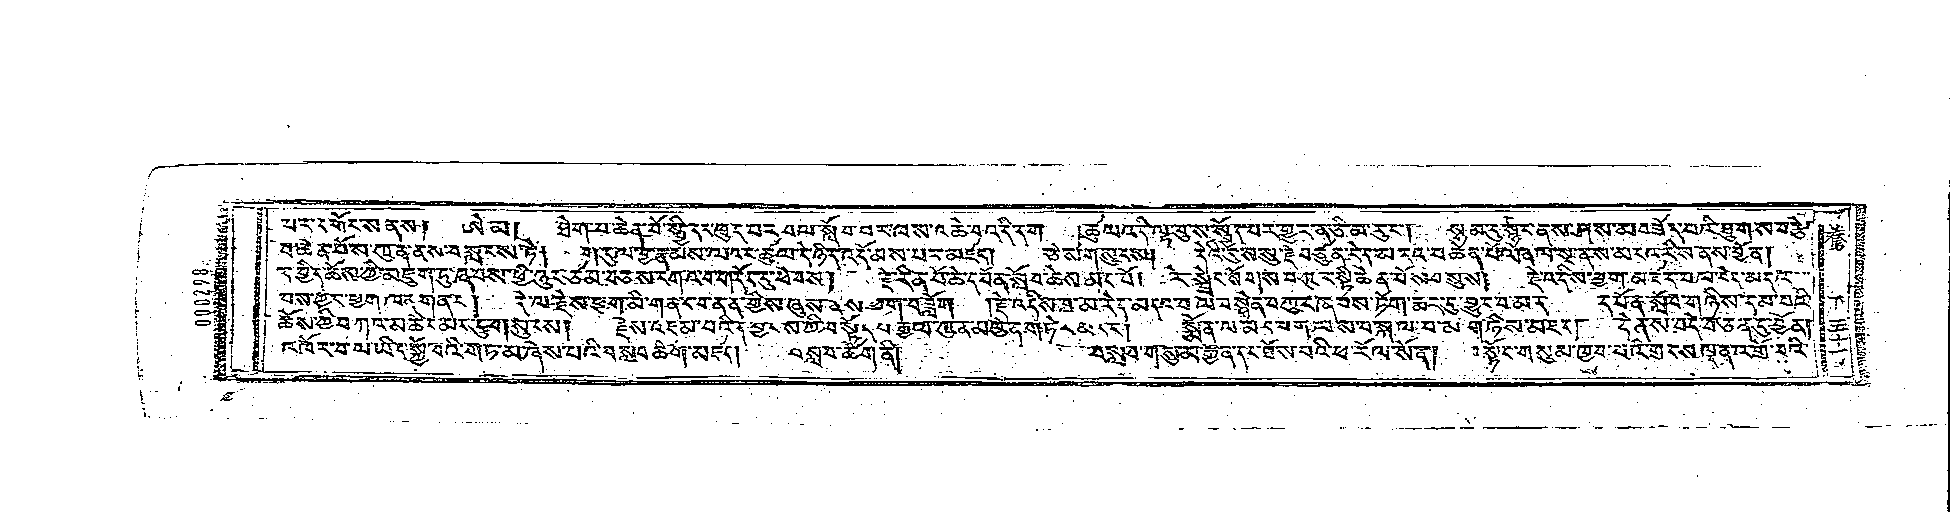པར་དགོངས་ནས། ཨེ་མ། ཐེག་པ་ཆེན་བོ་སྤྱི་དང་ཁྲུར་བར་བལ་སློབ་བར་ཁས་འཆི་བ་འདི་དག །ཚུལ་འདི་ལྟ་བུས་སྤྱོད་པར་གྱུར་ན་ཅི་མ་རུང་། སྙམ་དུ་སྙིང་ནས་ཤས་མ་བཟོད་པའི་ཐུགས་བརྩེ་
བ་ཆེན་པོས་ཀུན་ནས་བསླངས་ཏེ། གདུལ་བྱ་རྣམས་ལའང་ཚུལ་དེ་ཉིད་འདོམས་པར་མཛད། ཅེས་གསུངས། དེའི་དུས་སུ་རྗེ་བཙུན་རེད་མདའ་བ་ཆེན་པོའི་ཞལ་སྔ་ནས་མངའ་རིས་ནས་བྱོན།
དབྱིད་ཆོས་ཀྱི་མཇུག་ཏུ་ཞབས་ཕྱི་ཉུང་ཙམ་བཅས་དགའ་བ་གདོང་དུ་ཕེབས། རྗེ་རིན་པོ་ཆེ་དཔོན་སློབ་ཆེས་མང་པོ། སེར་སྦྲེང་སོགས་བཀུར་སྟི་ཆེན་པོས་བསུས། རྗེ་འདིས་ཕྱག་མཛད་པ་ལ་རེད་མདའ་
པས་ཀྱང་ཕྱག་ལན་གནང་། དེ་ལ་རྗེས་ཕྱག་མི་གནང་བ་ནན་གྱིས་ཞུས་ནས་ཕྱག་བཟློག །རྗེ་འདིས་བླ་མ་རེད་མདའ་བ་ལ་བསྙེན་བཀུར་ཞབས་ཏོག་རྨད་དུ་བྱུང་བ་མད་དཔོན་སློབ་གཉིས་དམ་པའི་
ཆོས་ཀྱི་བཀའ་མཆིང་མང་དུ་གསུངས། རྗེས་འཇམ་བའི་དབྱངས་ཀྱི་བསྟོད་པ་རྒྱལ་ཀུན་མཁྱེན་གཏེར་མ་དང་། སྨོན་ལམ་དཔག་ཡས་བསྐལ་བ་མ་གཉིས་མཛད། དེ་ནས་བདེ་བ་ཅན་དུ་བྱོན།
འཁོར་བ་ལ་ཡིད་སྐྱོ་བའི་གཏམ་ཞེས་པའི་བསླབ་ཚིག་མཛད། བསླབ་ཚིག་ནི། བསླབ་གསུམ་རྒྱན་དང་ཐོས་པའི་ཕ་རོལ་སོན། །སྟོང་གསུམ་ཁྱབ་པའི་གྲངས་ལྡན་འགྲོ་བའི་